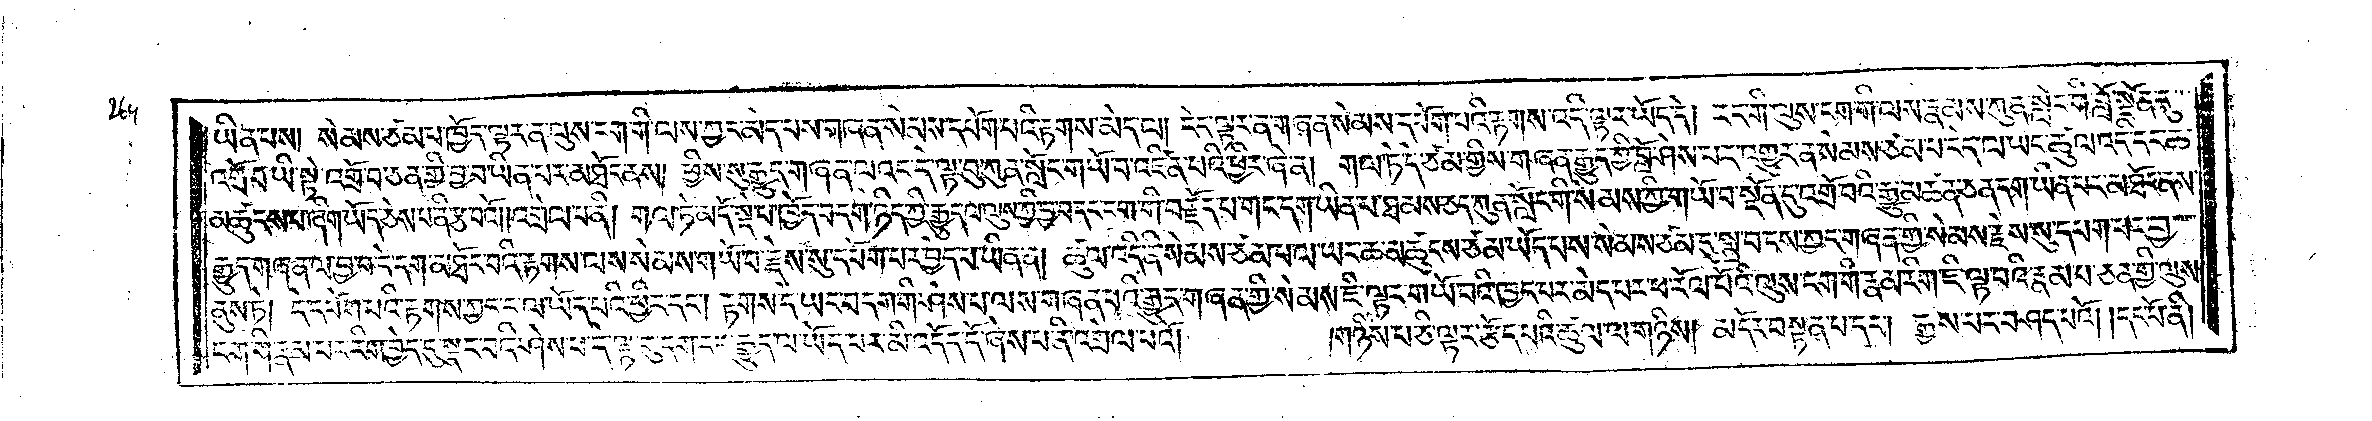ཡིན་པས། སེམས་ཙམ་པ་ཁྱོད་ལྟར་ན་ལུས་ངག་གི་ལས་ཀྱང་མེད་པས་གཞན་སེམས་དཔོག་པའི་རྟགས་མེད་ལ། ངེད?་ལྟར་ན་གཞན་སེམས་དཔོག་པའི་རྟགས་འདི་ལྟར་ཡོད་དེ། རང་གི་ལུས་ངག་གི་ལས་རྣམས་ཀུན་སླེང་གི་བློ་སྔོན་དུ་
འགྲོ་བ་ཡི་སྟེ་འགྲོ་བ་ཅན་གྱི་བྱ་བ་ཡིན་པར་མཐོང་ནས། ཕྱིས་སུ་རྒྱུད་གཞན་ལའང་དེ་ལྟ་བུ་ཀུན་སློང་གཡོ་བ་འཛིན་པའི་ཕྱིར་ཞེ་ན། གལ་ཏེ་དེ་ཙམ་གྱིས་གཞན་རྒྱུད་ཀྱི་བློ་ཤེས་པར་འགྱུར་ན་སེམས་ཙམ་པ་ངེད་ལ་ཡང་ཚུལ་འདི་དང་ཆ་
མཚུངས་པ་ཞིག་ཡོད་ཅེས་པ་ནི་རྩ་བའོ། །འགྲེལ་པ་ནི། གལ་ཏེ་མདོ་སྡེ་པ་ཁྱོད་བདག་ཉིད་ཀྱི་རྒྱུད་ལ་ལུས་ཀྱི་བྱ་བ་དང་ངག་གི་བརྗོད་པ་གང་དག་ཡིན་པ་ཐམས་ཅད་ཀུན་སློང་གི་སེམས་ཀྱི་གཡོ་བ་སྔོན་དུ་འགྲོ་བའི་རྒྱུ་མཚན་ཅན་དག་ཡིན་པར་མཐོང་ནས་
རྒྱུད་གཞན་ལ་བྱ་བ་དེ་དག་མཐོང་བའི་རྟགས་ལས་སེམས་གཡོ་བ་རྗེས་སུ་དཔོག་པར་བྱེད་པ་ཡིན་ན། ཚུལ་འདི་ནི་སེམས་ཙམ་པ་ལ་ཡང་ཆ་མཚུངས་ཙམ་ཡོད་པས་སེམས་ཙམ་དུ་སྨྲ་བ་ངས་ཀྱང་གཞན་གྱི་སེམས་རྗེས་སུ་དཔག་པར་བྱ་
ནུས་ཏེ། དེ་དཔོག་པའི་རྟགས་ཀྱང་ང་ལ་ཡོད་པའི་ཕྱིར་དང་། རྟགས་དེ་ཡང་བདག་གི་ཤེས་པ་ལས་གཞན་པའི་རྒྱུད་གཞན་གྱི་སེམས་ཇི་ལྟར་གཡོ་བའི་ཁྱད་པར་མེད་པར་ཕ་རོལ་པོའི་ལུས་ངག་གི་རྣམ་རིག་ཇི་ལྟ་བའི་རྣམ་པ་ཅན་གྱི་ལུས་
ངག་གི་རྣམ་པར་རིག་བྱེད་དུ་སྣང་བའི་ཤེས་པ་དེ་ལྟ་བུ་དག་རང་རྒྱུད་ལ་ཡོད་པར་མི་འདོད་དོ་ཞེས་པ་ནི་འགྲེལ་པའོ། །གཉིས་པ་ཅི་ལྟར་རྩོད་པའི་ཚུལ་ལ་གཉིས། མདོར་བསྟན་པ་དང་། རྒྱས་པར་བཤད་པའོ། །དང་པོ་ནི།